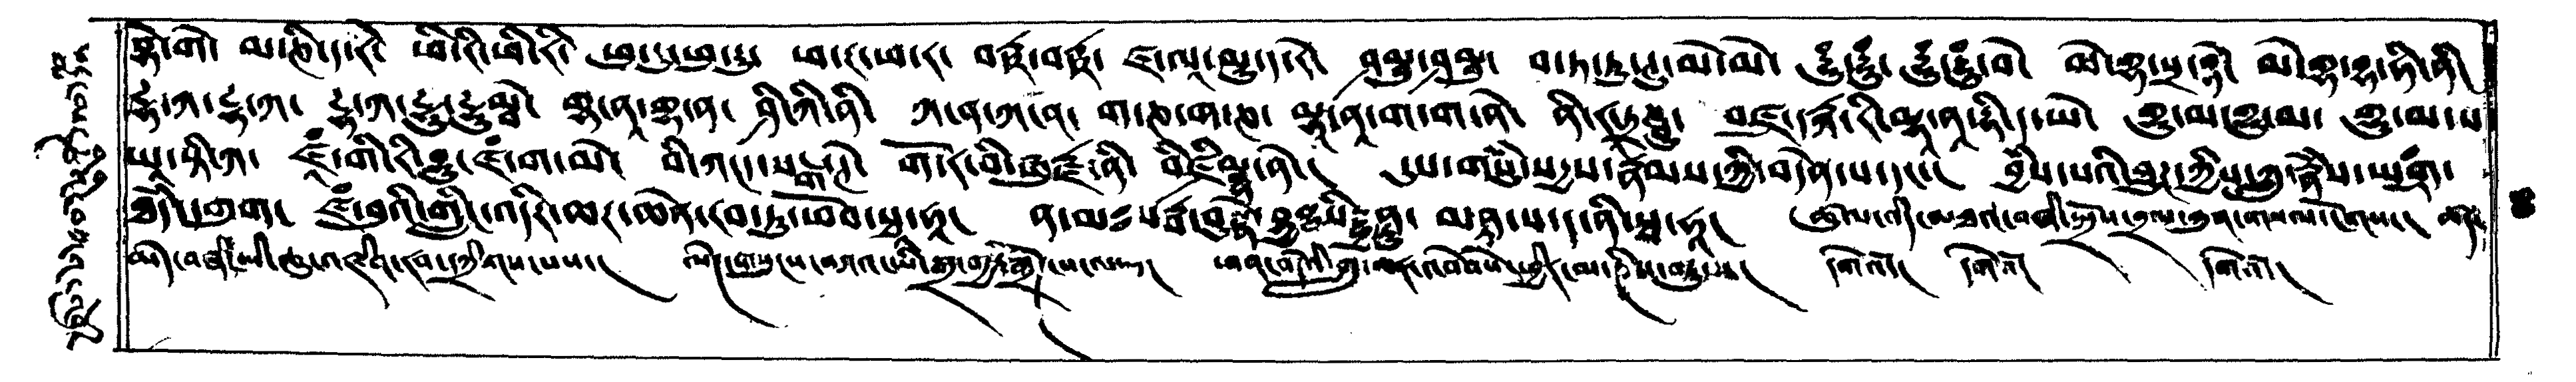བྷེ་གེ། མ་ཎི་ད་རེ། ཕི་རི་ཕི་རི། ཕུ་རུ་ཕུ་རུ། ཕ་ར་ཕ་ར། བརྵ་བརྵ། ཛ་ལཱ་མཱུ་ད་རེ། ཤམྦུ་ཤམྦུ། བ་ཏ་ཏུ་ཊུ་མེ་མེ། དྷུཾ་དྷུཾ་དྷུཾ་དྷུཾ་བེ། མེ་གྷ་པྲ་བྷེ་མེ་གྷ་བྷ་ཧི་ནི། 
དྷ་ཀ་དྷ་ཀ དྷ་ཀ་དྷུ་དྷུམྦེ། གྷ་ནཱ་གྷ་ན། ཤི་ཀི་ནི། ཀ་ན་ཀ་ན། ག་ཎ་ག་ཎ། དྷཱ་ནཱ་ག་ག་ནེ། ནི་ར་ཏྲཎྚུ། བཛྲད་རྐ་རི་བྷཱ་ནཱ་དྷི་ད་ཡེ། གྷུ་མ་གྷུ་མ། གྷུ་མ་པ་
ཡཱ་སྟི་ཀ། ཛཾའ་གི་རི་བྷུ་ཛཾ་ག་མེ། བི་ཀང་སངྒ་ཊེ། གོར་བི་ཕུརྫ་ནི། བིཛྲི་མྦྷ་ནེ། དུས་གསུམ་སངས་རྒྱས་རྣམས་ཀྱི་བདེན་པ་དང་། བྱམས་པའི་ཐུགས་ཀྱིས་ཀླུ་རྣམས་ཡན་ལག་
ཐམས་ཅད་དགུག །ཛཾ་བུའི་གླིང་འདིར་ཆར་ཆེན་རབ་ཏུ་ཕོབ།། སྭ་ཧཱ། ན་མཿསརྦ་བུདྷེ་བྷྱཿསིདྡྷྱནྟུ་མནྟ་པ་ད་ནི་སྭ་ཧཱ། ཚུལ་འདི་མཐའ་བཞི་སྤྲོས་བྲལ་ཀུན་གསལ་ངོགས།། ཚད་
མེད་བཞི་ཡི་ཆུ་འཛིན་རབ་དཀྲིགས་པས། །ལེགས་གསུངས་བཀའ་ཡི་སྒྲ་བརྒྱ་སྒྲོགས་པ་ལས། །ཕན་བདེའི་གྲུ་ཆར་འབེབས་ཕྱིར་མ་ཎིས་བཏུས། །དགེའོ།། དགེའོ།། དགེའོ།།